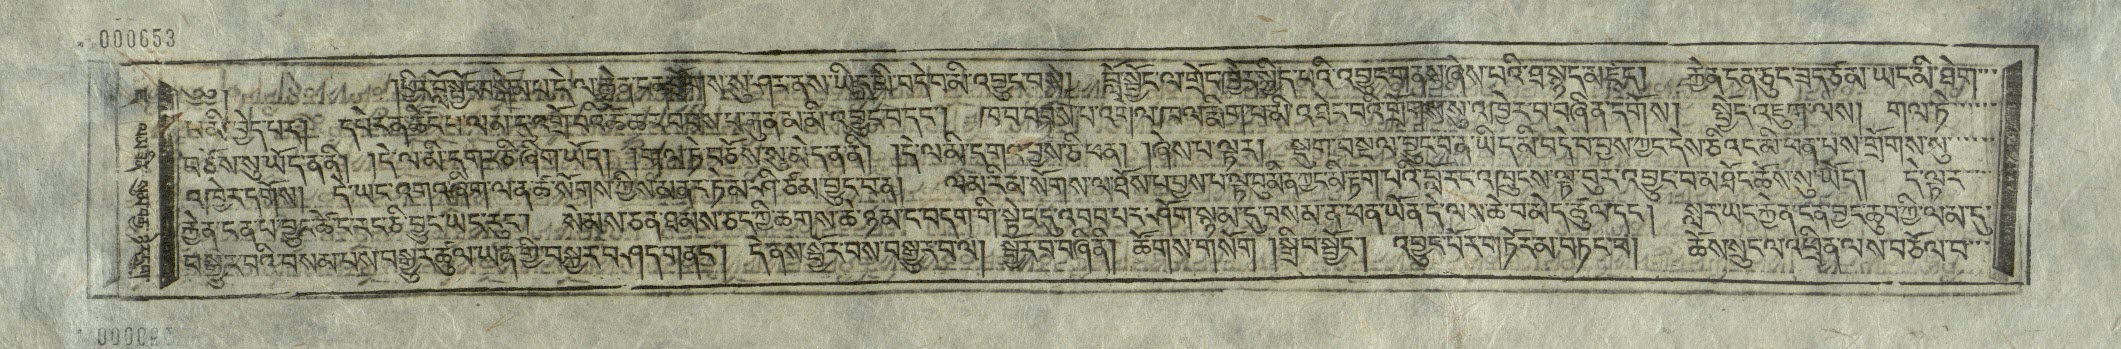༄༅། །ཕྱིར་བློ་སྦྱོང་བསྒོམ་པ་དེ་ལ་རྐྱེན་ངན་གྲོགས་སུ་ཤར་ནས་ཡིད་མི་བདེ་བ་མི་འབྱུང་བས། བློ་སྦྱོང་ལ་གྲོང་ཁྱེར་སྐྱིད་པའི་འབྱུང་གནས་ཞེས་པའི་ཐ་སྙད་མཛད། རྐྱེན་ངན་ཅུང་ཟད་ཙམ་ཡང་མི་ཐེག་
པ་མི་བྱེད་པར། དཔེར་ན་ཚོང་པ་ལམ་དུ་འགྲོ་བའི་ཚེ་ཆར་བབས་པ་རྐུན་མ་མི་འབྱུང་བ་དང་། ཁ་བ་བབས་པ་འགེལ་ཁལ་རྨིག་པ་མི་འཐེང་བའི་གྲོགས་སུ་འཁྱེར་བ་བཞིན་དགོས། སྤྱོད་འཇུག་ལས། གལ་ཏེ་
བཅོས་སུ་ཡོད་ན་ནི། །དེ་ལ་མི་དགར་ཅི་ཞིག་ཡོད། །གལ་ཏེ་བཅོས་སུ་མེད་ན་ནི། །དེ་ལ་མི་དགའ་བྱས་ཅི་ཕན། །ཞེས་པ་ལྟར། སྡུག་བསྔལ་བྱུང་བ་ན་ཡིད་མི་བདེ་བ་བྱས་ཀྱང་དེས་ཅིའང་མི་ཕན་པས་གྲོགས་སུ་
འཁྱེར་དགོས། དེ་ཡང་འགའ་ཞིག་ལ་ན་ཚ་སོགས་ཀྱིས་མནར་ཏེ་མ་ཤི་ཙམ་བྱུང་བ་ན། ལམ་རིམ་སོགས་ལ་ཐོས་པ་བྱས་པ་ལྟ་བུ་མིན་ཀྱང་མི་རྟག་པའི་བློ་རང་འཁྲུངས་ལྟ་བུར་འབྱུང་བ་མཐོང་ཆོས་སུ་ཡོད། དེ་ལྟར་
རྐྱེན་ངན་པ་བྱུང་ཚེ་ང་རང་ཅི་བྱུང་ཡང་རུང་། སེམས་ཅན་ཐམས་ཅད་ཀྱི་ཆགས་ཆེ་ཉམ་ང་བདག་གི་སྟེང་དུ་འབབ་པར་ཤོག་སྙམ་དུ་བསམ་ན་ཕན་ཡོན་དེ་ལས་ཆེ་བ་མེད་ཚུལ་དང་། སླར་ཡང་རྐྱེན་ངན་བྱང་ཆུབ་ཀྱི་ལམ་དུ་
བསྒྱུར་བའི་བསམ་པས་བསྒྱུར་ཚུལ་ཡན་གྱི་བསྐྱར་བཤད་གནང་། དེ་ནས་སྦྱོར་བས་བསྒྱུར་བ་ལ། སྦྱོར་བ་བཞི་ནི། ཚོགས་གསོག །སྒྲིབ་སྦྱོང་། འབྱུང་པོར་གཏོར་མ་བཏང་བ། ཆོས་སྲུང་ལ་འཕྲིན་ལས་བཅོལ་བ་